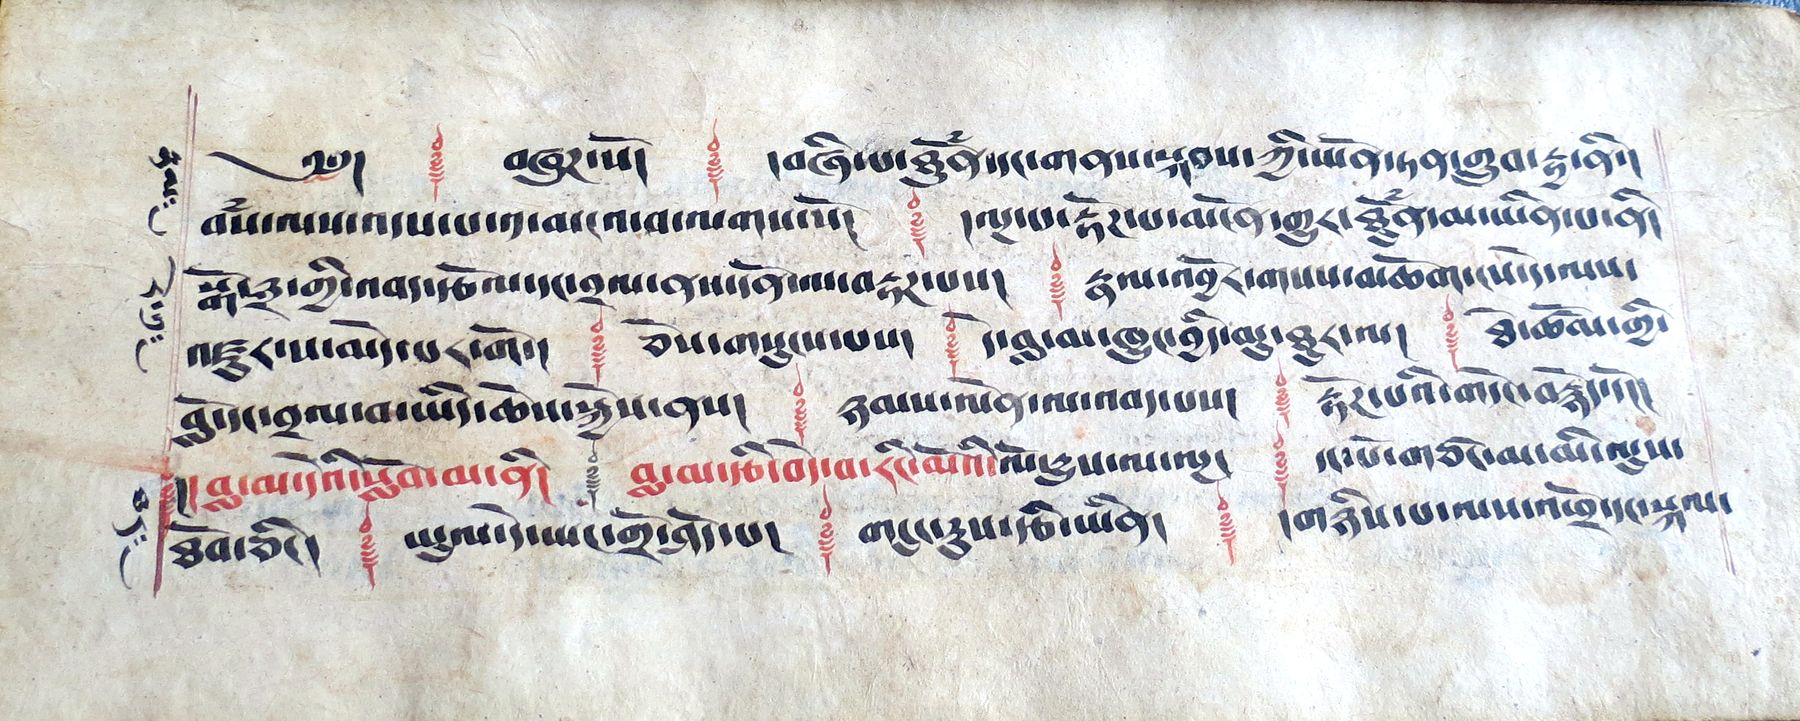བཞུགས་སོ། ། བཞི་པ་ཐུན་མོང་དང་གནས་སྐབས་ཀྱི་ཡོན་ཏན་གྲུབ་རྟགས་ནི། 
བསམ་ལས་འདས་པ་ཞིག་མངའ་བ་ལགས་སོ། ། ལྔ་པ་རྟོགས་པ་མངོན་གྱུར་ཐུན་མོང་མ་ཡིན་པ་ནི། 
སྒོ་གསུམ་གྱི་འབད་རྩོལ་དང་བྲལ་ནས་དོན་ལ་བརྟགས་པས། རྣལ་འབྱོར་གསས་མཆོག་ངས་དེ་ལས་
འཆུགས་ས་མེད་པར་གོ། ཞེས་གསུངས་པས། དེ་བླ་མ་ཁྱུང་བྱིད་མུ་ཐུར་ལ་ཐེ་ཚོམ་གྱི་
བློ་དང་བྲལ་བའི་ཡིད་ཆེས་སྐྱེས་ནས། ཉམས་ལེན་ལ་འབད་པས། རྟོགས་པའི་གདེང་རྙེད་དོ། ། 
བླ་མ་དེའི་སློབ་མ་ནི། བླ་མ་རྩི་བདེ་བ་རིང་མོའི་ལོ་རྒྱུས་ལ་ལྔ། དང་པོ་གཙང་མ་མི་ལུས་
ཐོབ་ཅིང་། ཡུལ་དེ་ཡང་གྲོ་ཤོད་པ་གདུང་རུས་རྩི་ཡིན། གཉིས་པ་ལས་འཕྲོ་དང་སྐལ་